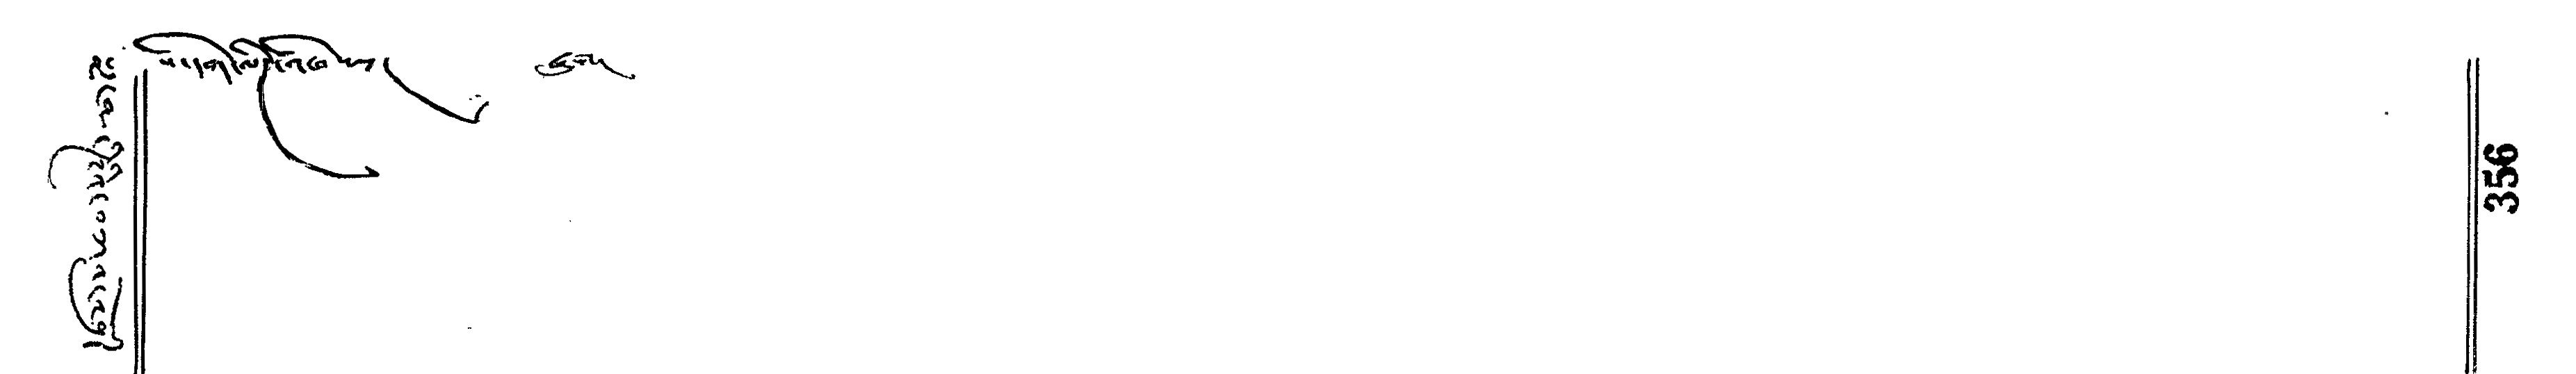པ་དགེ་ལེགས་འཕེལ།། ཞུས་སོ།།